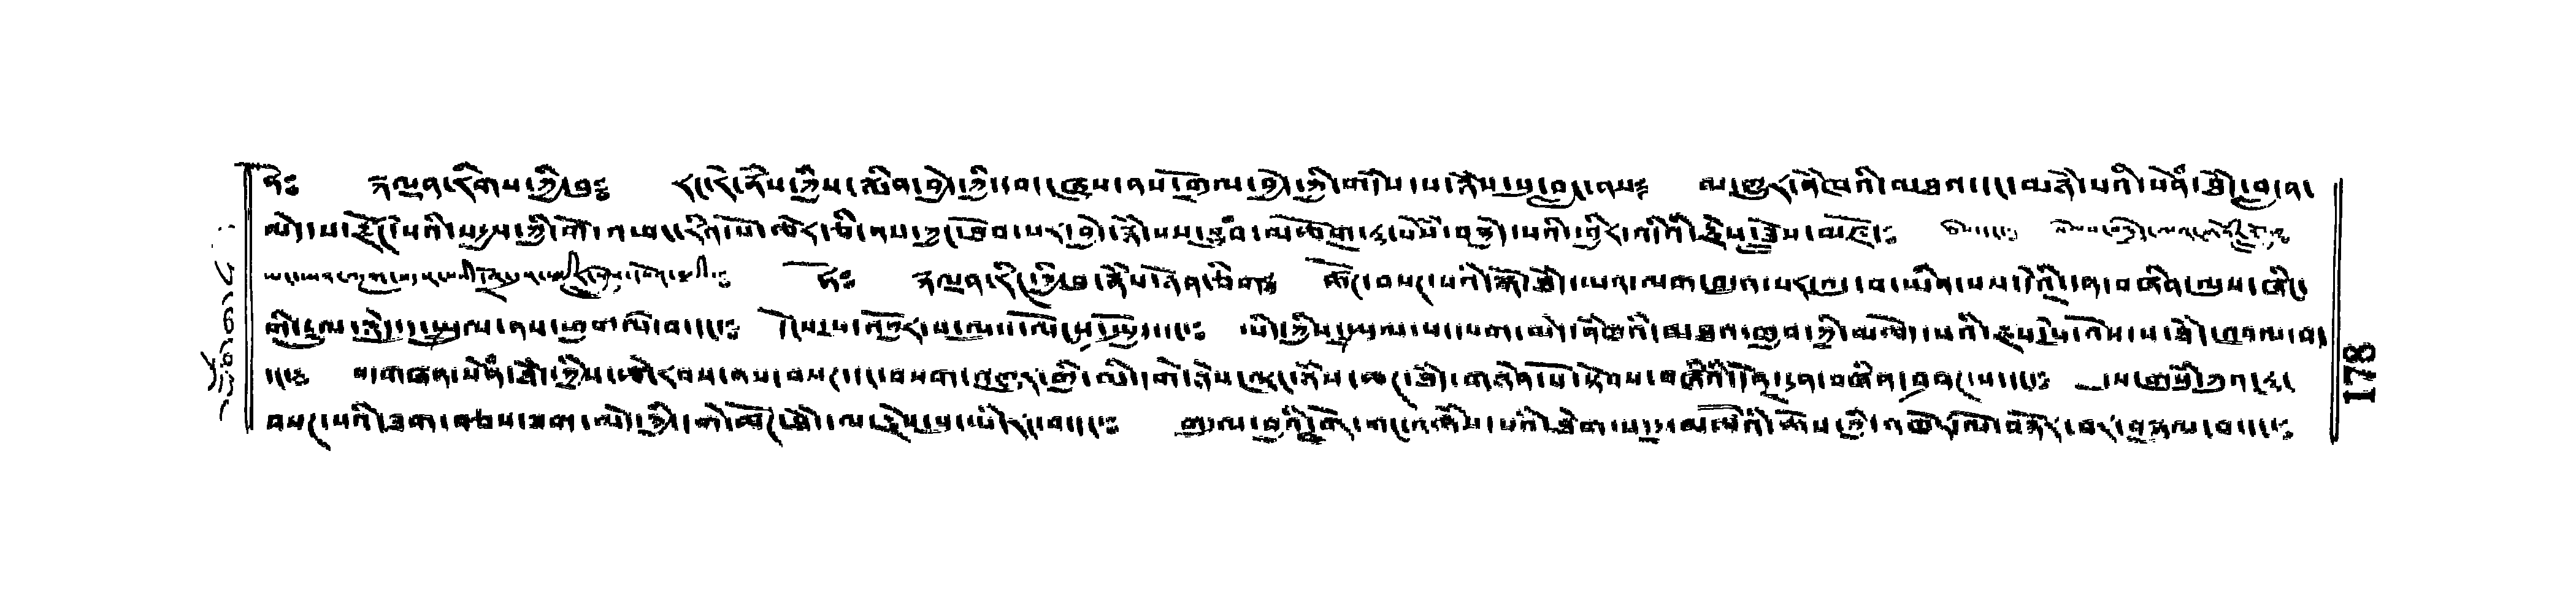ཧོཿ སྐལ་ལྡན་རིགས་ཀྱི་བུ༔ རང་རེ་རྣམས་ཀྱིས་སྨིན་བྱེད་ཀྱི་དབང་ཞུས་ནས་གྲོལ་བྱེད་ཀྱི་གདམས་པ་ཉམས་སུ་བླངས་ནས༔ མ་གྱུར་ནམ་མཁའི་མཐའ་དང་མཉམ་པའི་སེམས་ཅན་ཐམས་ཅད་བླ་ན་
མེད་པ་རྫོགས་པའི་སངས་རྒྱས་ཀྱི་གོ་འཕང་རིན་པོ་ཆེ་ཅི་ནས་ཀྱང་ཐོབ་པར་བྱེད་སྙམ་པས་བྱང་ཆུབ་མཆོག་ཏུ་སེམས་བསྐྱེད་པའི་ཕྱིར་འདིའི་རྗེས་ཟློས་མཛོད༔ཅེས་དངཿ སེམས་བསྐྱེད་ལན་གསུམ་ཟློས༔ 
ཡང་ཡན་ལག་བདུན་པའི་དོན་དྲན་ཕྱིར་སློབ་དཔོན་གྱིས༔ ཧོཿ སྐལ་ལྡན་རིགས་ཀྱི་བུ་རྣམས་ཉོན་ཅིག༔ ཚོགས་བསོག་པའི་སྒོ་ཐམས་ཅད་ཡན་ལག་བདུན་པར་འདུ་བ་ཡིན་པས་དེའི་དོན་དྲན་བཞིན་ལུས་ཞིང་
གི་རྡུལ་སྙེད་དུ་སྤྲུལ་ནས་ཕྱག་འཚལ་བ་དང༔ དངོས་སུ་འབྱོར་པ་ལུས་ལོངས་སྤྱོད་དང༔ ཡིད་ཀྱིས་སྤྲུལ་པ་དཔག་མེད་ནམ་མཁའི་མཐའ་ཁྱབ་ཀྱི་མཆོད་པའི་རྫས་སུ་འོས་པ་ཐམས་ཅད་འབུལ་བ་
དང༔ བདག་གཞན་སེམས་ཅན་ཐམས་ཅད་ཀྱིས་ཚེ་རབས་ནས་བསགས་དང་བསག་འགྱུར་གྱི་མི་དགེ་ཉེས་ལྟུང་ཉམས་ཆག་ཐམས་ཅད་གཉེན་པོ་སྟོབས་བཞིའི་དོན་དྲན་བཞིན་བཤགས་པ་དང༔ དུས་གསུམ་ཀུན་ཏུ་
བསགས་པའི་ཟག་བཅས་ཟག་མེད་ཀྱི་དགེ་ཚོགས་ཐམས་ཅད་ལ་རྗེས་སུ་ཡི་རང་བ་དང༔ གདུལ་བྱའི་བློར་གང་འཚམས་པའི་ཐེག་པ་རྒྱ་མཚོའི་ཆོས་ཀྱི་འཁོར་ལོ་བསྐོར་བར་བསྐུལ་བ་དང༔